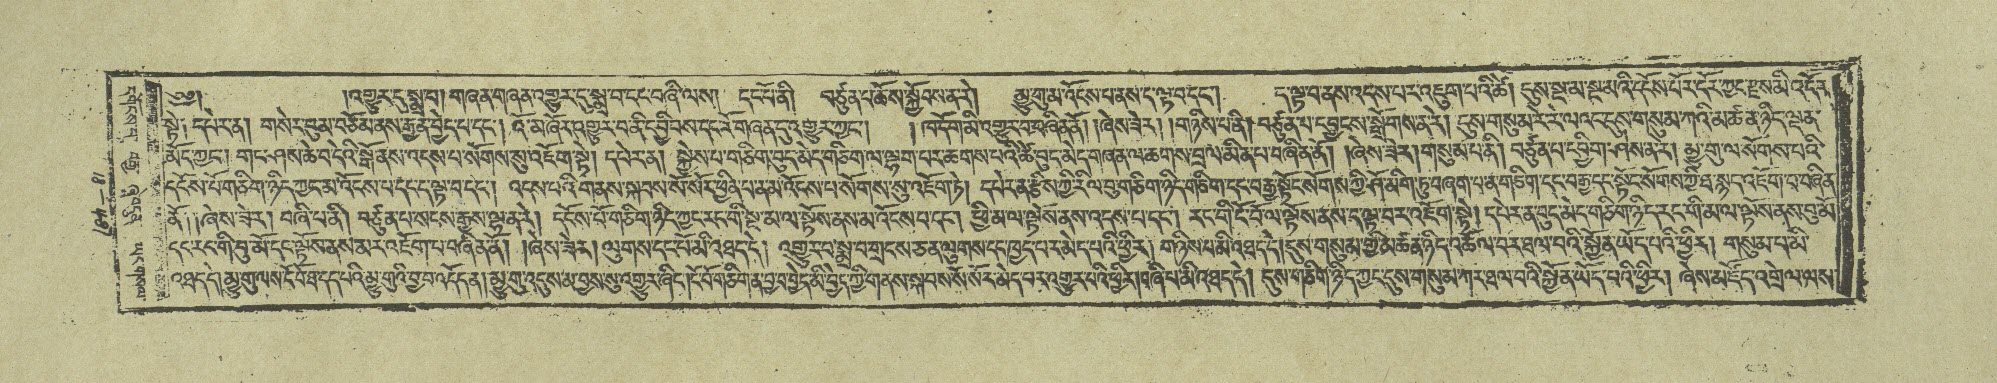༄༅། །འགྱུར་དུ་སྨྲ་བ། གཞན་གཞན་འགྱུར་དུ་སྨྲ་བ་དང་བཞི་ལས། དང་པོ་ནི། བཙུན་པ་ཆོས་སྐྱོབས་ན་རེ། མྱུ་གུ་མ་འོངས་པ་ནས་ད་ལྟ་བ་དང་། ད་ལྟ་བ་ནས་འདས་བར་འཇུག་པའི་ཚེ། དུས་སྔ་མ་སྔ་མའི་དངོས་པོར་དོར་ཀྱང་རྫས་མི་འདོར་
སྟེ། དཔེར་ན། གསེར་བུམ་བཅོམ་ནས་རྒྱན་བྱེད་པ་དང་། འོ་མ་ཞོར་འགྱུར་བ་ནི་དབྱིབས་དང་རོ་གཞན་དུ་འགྱུར་ཀྱང་། །ཁ་དོག་མི་འགྱུར་བ་བཞིན་ནོ། །ཞེས་ཟེར། །གཉིས་པ་ནི། བཙུན་པ་དབྱངས་སྒྲོགས་ན་རེ། དུས་གསུམ་རེ་རེ་ལའང་དུས་གསུམ་ཀའི་མཚན་ཉིད་ལྡན་
མོད་ཀྱང་། གང་ཤས་ཆེ་བ་དེའི་སྒོ་ནས་འདས་པ་སོགས་སུ་འཇོག་སྟེ། དཔེར་ན། སྐྱེས་བ་གཅིག་བུད་མེད་གཅིག་ལ་ལྷག་པར་ཆགས་པའི་ཚེ་བུད་མེད་གཞན་ལ་ཆགས་བྲལ་མིན་པ་བཞིན་ནོ། །ཞེས་ཟེར། །གསུམ་པ་ནི། བཙུན་པ་དབྱིག་ཤེས་ན་རེ། མྱུ་གུ་ལ་སོགས་པའི་
དངོས་པོ་གཅིག་ཉིད་ཀྱང་མ་འོངས་པ་དང་ད་ལྟ་བ་དང་། འདས་པའི་གནས་སྐབས་སོ་སོར་ཕྱིན་པ་ན་མ་འོངས་པ་སོགས་སུ་འཇོག་ཏེ། དཔེར་ན་རྩིས་ཀྱི་རིལ་བུ་གཅིག་ཉིད་གཅིག་དང་བརྒྱ་སྟོང་སོགས་ཀྱི་ཤོ་མིག་ཏུ་བཞག་པ་ན་གཅིག་དང་བརྒྱ་དང་སྟོང་སོགས་ཀྱི་ཐ་སྙད་འཇོག་པ་བཞིན་
ནོ། །ཞེས་ཟེར། བཞི་པ་ནི། བཙུན་པ་སངས་རྒྱས་ལྷ་ན་རེ། དངོས་པོ་གཅིག་ཉིད་ཀྱང་རང་གི་སྔ་མ་ལ་སྟོས་ནས་མ་འོངས་པ་དང་། ཕྱི་མ་ལ་ལྟོས་ནས་འདས་པ་དང་། རང་གི་ངོ་བོ་ལ་ལྟོས་ནས་ད་ལྟ་བར་འཇོག་སྟེ། དཔེར་ན་བུད་མེད་གཅིག་ཉིད་རང་གི་མ་ལ་ལྟོས་ནས་བུ་མོ་
དང་རང་གི་བུ་མོ་དང་ལྟོས་ནས་མར་འཇོག་པ་བཞིན་ནོ། །ཞེས་ཟེར། ལུགས་དང་པོ་མི་འཐད་དེ། འགྱུར་བ་སྨྲ་བ་གྲངས་ཅན་ལུགས་དང་ཁྱད་པར་མེད་པའི་ཕྱིར། གཉིས་པ་མི་འཐད་དེ། དུས་གསུམ་གྱི་མཚན་ཉིད་འཆོལ་བར་ཐལ་བའི་སྐྱོན་ཡོད་པའི་ཕྱིར། གསུམ་པ་མི་
འཐད་དེ། མྱུ་གུ་ལས་ངོ་བོ་ཐ་དད་པའི་མྱུ་གུའི་བྱ་བ་འདོད་ན། མྱུ་གུ་འདུས་མ་བྱས་སུ་འགྱུར་ཞིང་། ངོ་བོ་གཅིག་ན་བྱ་བ་བྱེད་མི་བྱེད་ཀྱི་གནས་སྐབས་སོ་སོར་མེད་པར་འགྱུར་བའི་ཕྱིར། བཞི་པ་མི་འཐད་དེ། དུས་གཅིག་ཉིད་ཀྱང་དུས་གསུམ་ཀར་ཐལ་བའི་སྐྱོན་ཡོད་པའི་ཕྱིར། ཞེས་མཛོད་འགྲེལ་ལས་